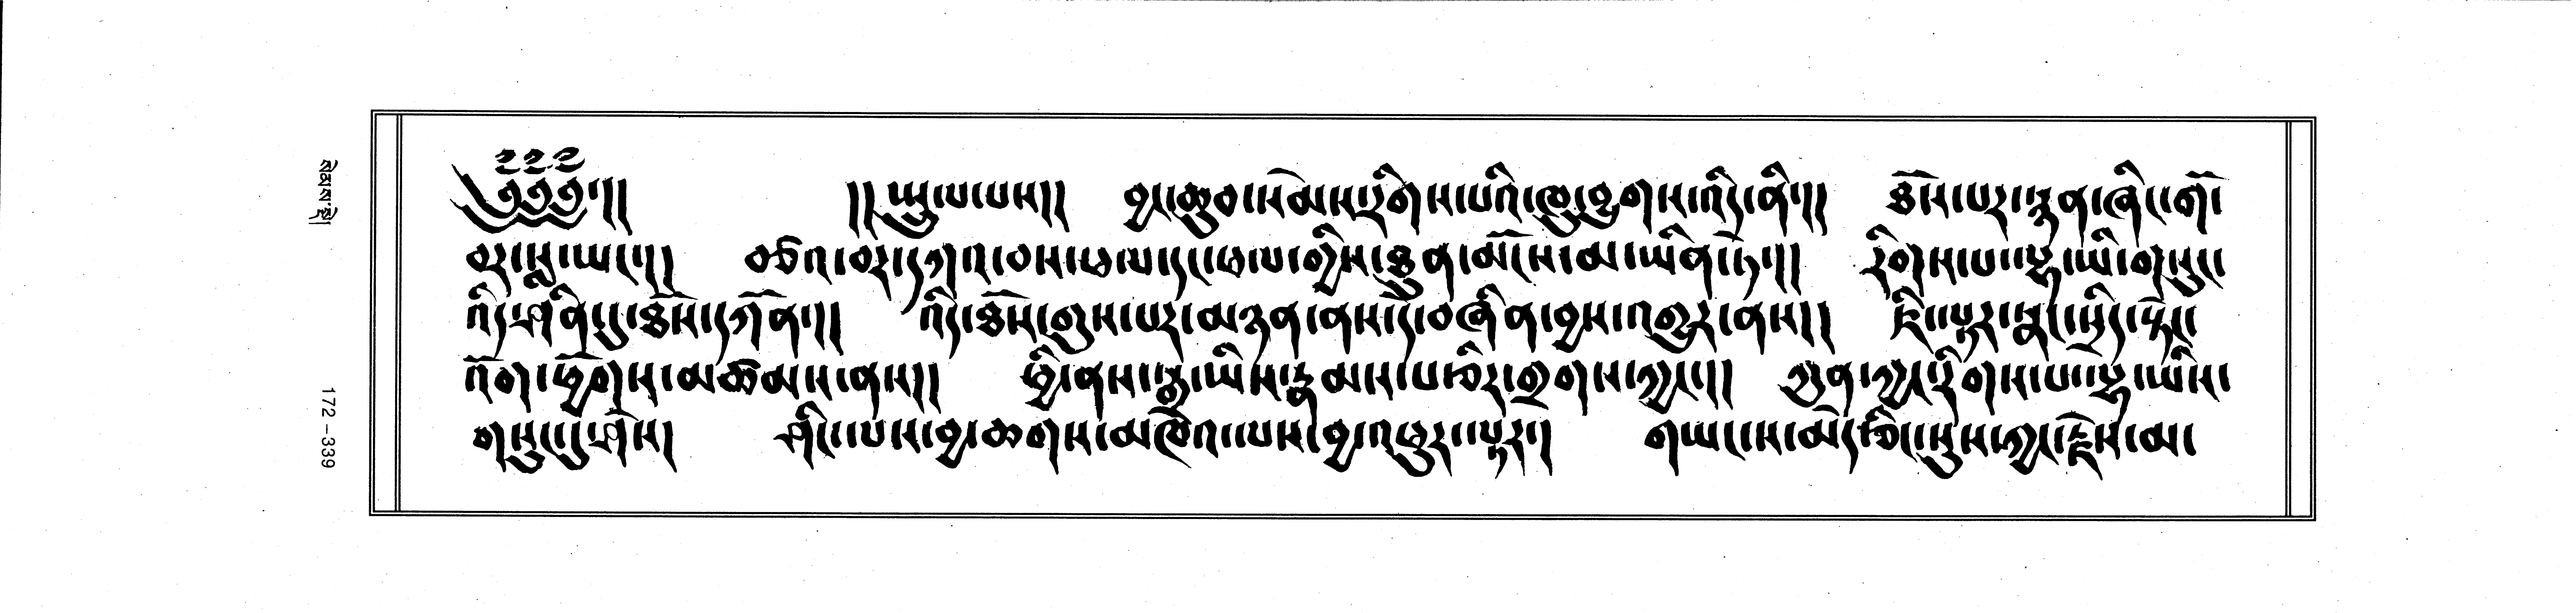སྤྲུལ་པས། བྱང་ཆུབ་སེམས་རིག་པའི་ཁུ་བྱུག་འདི་ནི། ཐོས་པར་སྙན་ཞིང་གོ་
བར་སླ་ཡང་། བཙའ་བར་དཀའ་བས་ཕལ་དང་ཕལ་གྱིས་ཐུན་མོངས་མ་ཡིན་ཏེ། རིག་པ་ལྷ་ཡི་གསུང་
འདི་ཤིན་དུ་ཐོས་དཀོན། འདི་ཐོས་གུས་པར་མཉན་ནས་དེ་བཞིན་བྱས་འགྱུར་ནས། ཇི་ལྟར་སྣང་སྲིད་སྟེང་
འོག་ཕྱོགས་མཚམས་ནས། ཕྱི་ནས་སྒྲ་ཡིས་རྣམ་པ་ཅིར་གྲགས་ཀྱང་། ཀུན་ཀྱང་རིགས་པ་ལྷ་ཡིས་
གསུང་དུ་ཤེས། ཤིང་ལས་བྱ་ཆགས་མཁའ་ལས་བྱ་འཕུར་ལྟར། གཡང་ས་མེད་ཅིང་སུས་ཀྱང་རྗེས་མ་